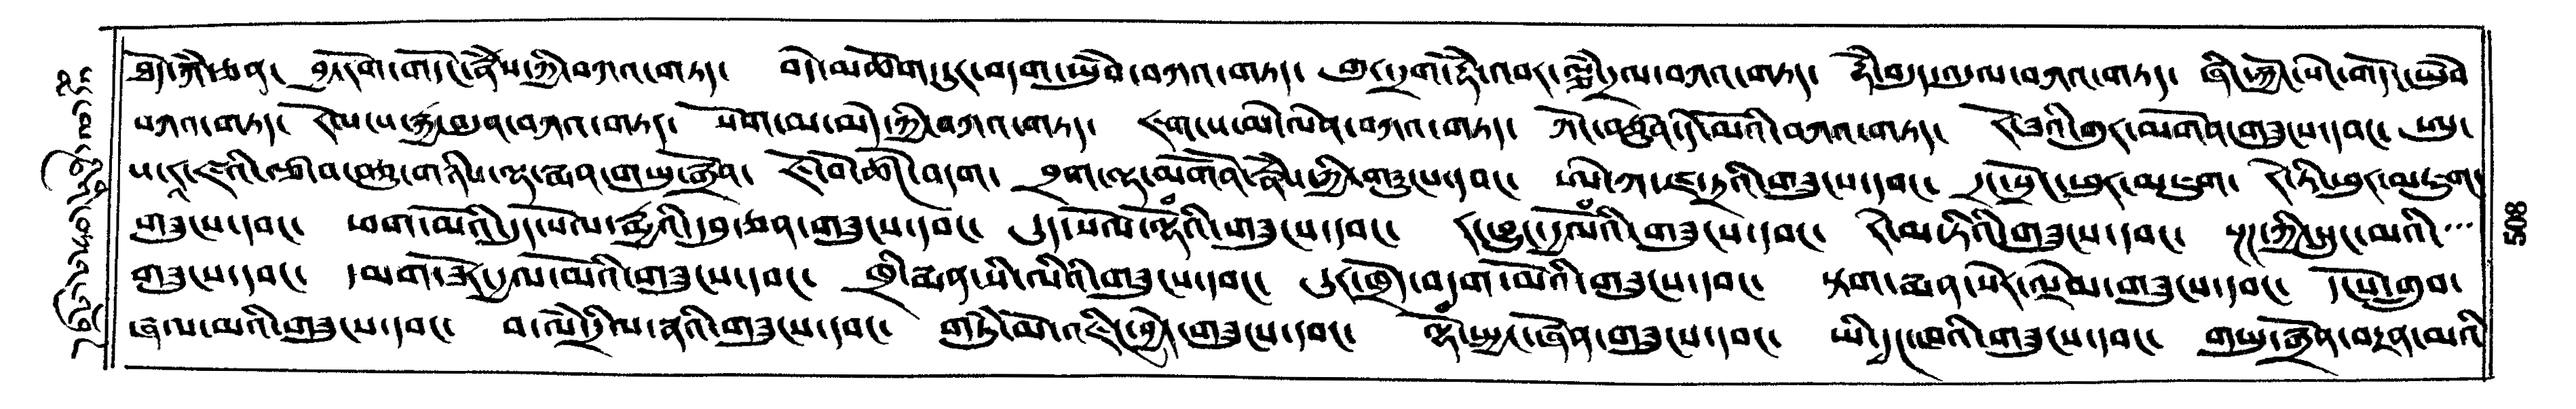ཐོད་སྐམ་ཅན། བྱ་རོག་གདོང་རྣམས་ཀྱི་བཀའ་གཏད། བདེ་མཆོག་དུར་བདག་ཡབ་ཡུམ་བཀའ་གཏད། གུར་དྲག་རྡོ་རྗེ་འབར་ལྕམ་དྲལ་བཀའ་གཏད། །རྡོ་རྗེ་བདུད་འདུལ་བཀའ་གཏད། །ཞིང་སྐྱོང་སེང་གདོང་ཡབ་ཡུམ་
བཀའ་གཏད། རོལ་པ་རྐྱ་བདུན་བཀའ་གཏད། སོག་མ་མེད་ཀྱི་བཀའ་གཏད། །ཇག་པ་མེ་ལེན་བཀའ་གཏད། ཀོང་བཙུན་དེ་མོའི་བཀའ་གཏད། རོ་ཟའི་གུར་མགོན་གཟུངས་དབང་། ཨུ་
པ་རཱ་ཛའི་རྩ་བ་བཅུ་གཉིས་ལྷ་སྨན་གཡུ་སྒྲོན། ཇོ་བོ་ཚོགས་བདག བྲག་ལྷ་མགོན་པོ་རྣམས་ཀྱི་གཟུངས་དབང་། ཡེ་ཀ་ཛ་ཏྲིའི་གཟུངས་དབང་། དྲང་སྲོང་ཕུར་མཇུག རེ་ཏི་ཕུར་མཇུག 
གཟུངས་དབང་། ཕག་མོའི་དུད་སོལ་རྨ་བྱའི་དབུ་ཅན་གཟུངས་དབང་། དུད་སོལ་ལྷ་མོའི་གཟུངས་དབང་། རང་བྱུང་རྒྱལ་པོའི་གཟུངས་དབང་། རེ་མ་ཏིའི་གཟུངས་དབང་། སྔགས་ཀྱི་སྲུང་མའི་
གཟུངས་དབང་། དམག་ཟོར་རྒྱལ་མོའི་གཟུངས་དབང་། ཁྲི་སྨན་སི་ལིའི་གཟུངས་དབང་། དུད་སོལ་ལྷ་མོའི་གཟུངས་དབང་། སྟག་སྨན་སེར་ལྡེམ་གཟུངས་དབང་། དངོས་གྲུབ་
ཞལ་མའི་གཟུངས་དབང་། བ་ལམ་དྲིལ་སྣའི་གཟུངས་དབང་། གཏུམ་མོ་འཇིགས་བྱེད་གཟུངས་དབང་། ལྷ་མོ་སྤྱང་བཞོན་གཟུངས་དབང་། ཡི་དྭགས་ཁའི་གཟུངས་དབང་། གཡུ་སྒྲོན་བརྟན་མའི་